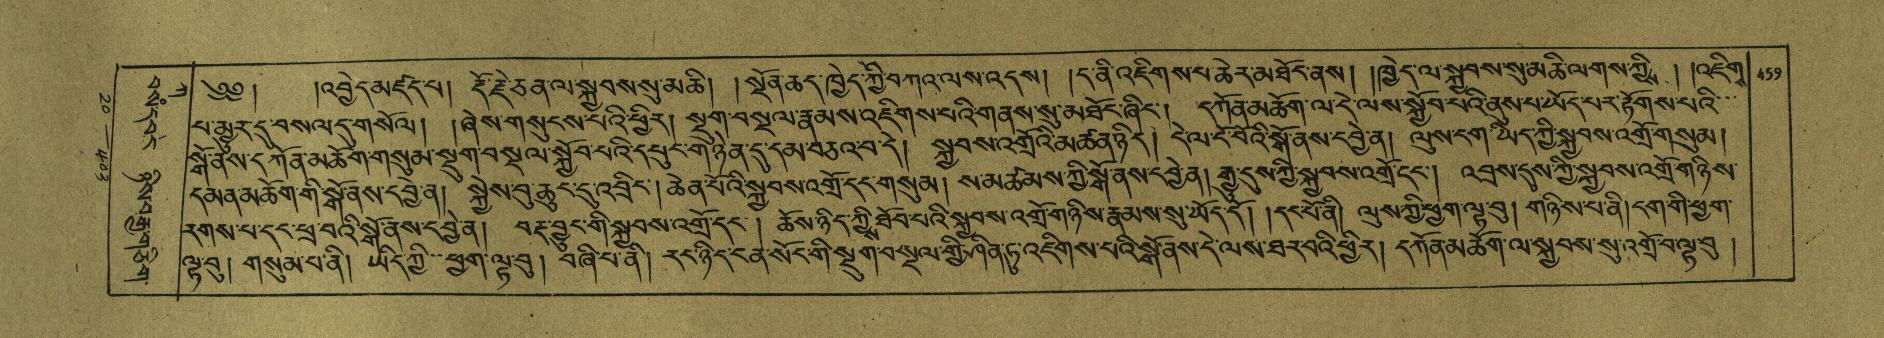༄༅། །འབྱེད་མཛད་པ། རྡོ་རྗེ་ཅན་ལ་སྐྱབས་སུ་མཆི། །སྔོན་ཆད་ཁྱེད་ཀྱི་བཀའ་ལས་འདས། །ད་ནི་འཇིགས་པ་ཆེར་མཐོང་ནས། །ཁྱེད་ལ་སྐྱབས་སུ་མཆི་ལགས་ཀྱིས། །འཇིགས་
པ་མྱུར་དུ་བསལ་དུ་གསོལ། །ཞེས་གསུངས་པའི་ཕྱིར། སྡུག་བསྔལ་རྣམས་འཇིགས་པའི་གནས་སུ་མཐོང་ཞིང་། དཀོན་མཆོག་ལ་དེ་ལས་སྐྱོབ་པའི་ནུས་པ་ཡོད་པར་རྟོགས་པའི་
སྒོ་ནས་དཀོན་མཆོག་གསུམ་སྡུག་བསྔལ་སྐྱོབ་པའི་དཔུང་གཉེན་དུ་དམ་བཅའ་བ་དེ། སྐྱབས་འགྲོའི་མཚན་ཉིད། དེ་ལ་ངོ་བོའི་སྒོ་ནས་དབྱེ་ན། ལུས་ངག་ཡིད་ཀྱི་སྐྱབས་འགྲོ་གསུམ།
དམན་མཆོག་གི་སྒོ་ནས་དབྱེ་ན། སྐྱེས་བུ་ཆུང་དུ་འབྲིང་། ཆེན་པོའི་སྐྱབས་འགྲོ་དང་གསུམ། ས་མཚམས་ཀྱི་སྒོ་ནས་དབྱེ་ན། རྒྱུ་དུས་ཀྱི་སྐྱབས་འགྲོ་དང་། འབྲས་དུས་ཀྱི་སྐྱབས་འགྲོ་གཉིས་
རགས་པ་དང་ཕྲ་བའི་སྒོ་ནས་དབྱེ་ན། བརྡ་བྱུང་གི་སྐྱབས་འགྲོ་དང་། ཆོས་ཉིད་ཀྱིས་ཐོབ་པའི་སྐྱབས་འགྲོ་གཉིས་རྣམས་སུ་ཡོད་དོ། །དང་པོ་ནི། ལུས་ཀྱི་ཕྱག་ལྟ་བུ། གཉིས་པ་ནི། ངག་གི་ཕྱག་
ལྟ་བུ། གསུམ་པ་ནི། ཡིད་ཀྱི་ཕྱག་ལྟ་བུ། བཞི་པ་ནི། རང་ཉིད་ངན་སོང་གི་སྡུག་བསྔལ་གྱི་ཤིན་ཏུ་འཇིགས་པའི་སྒོ་ནས་དེ་ལས་ཐར་བའི་ཕྱིར། དཀོན་མཆོག་ལ་སྐྱབས་སུ་འགྲོ་བ་ལྟ་བུ།